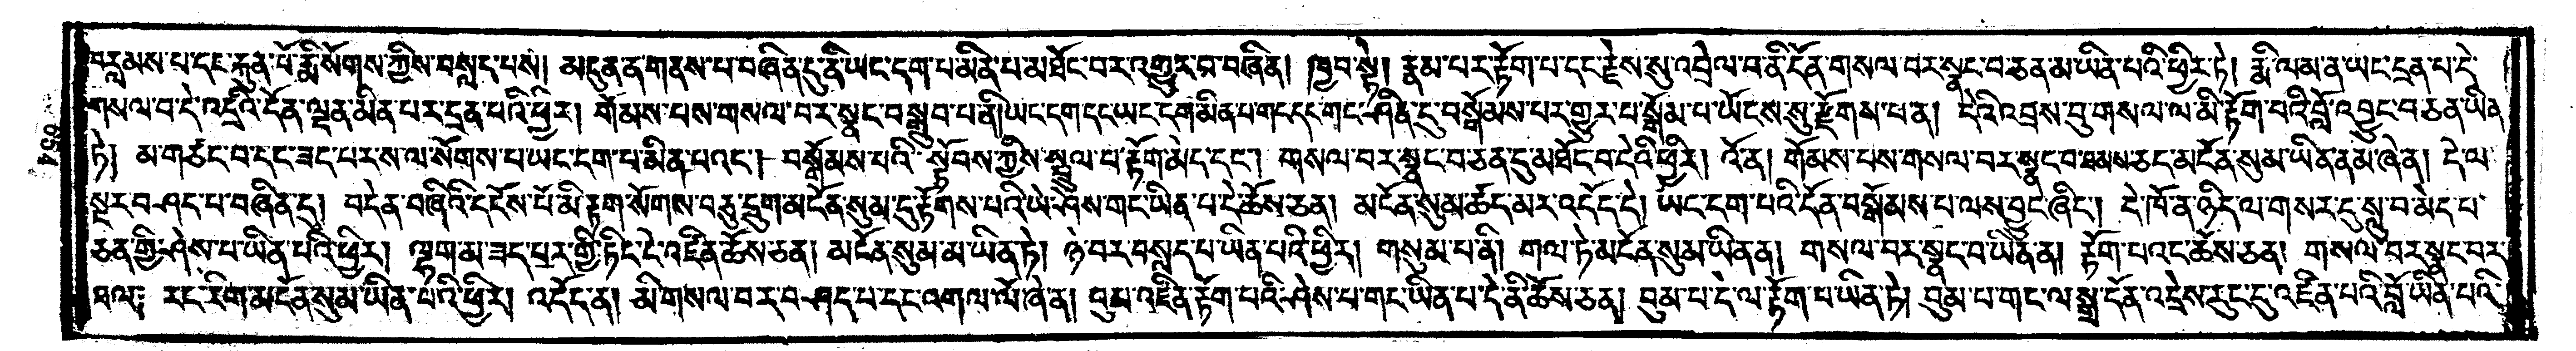བརླམས་པ་དང་རྐུན་པོ་རྨི་སོགས་ཀྱིས་བསླད་པས། མདུན་ན་གནས་པ་བཞིན་དུ་ནི་ཡང་དག་པ་མིན་པ་མཐོང་བར་འགྱུར་བ་བཞིན། ཁྱབ་སྟེ། རྣམ་པར་རྟོག་པ་དང་རྗེས་སུ་འབྲེལ་བ་ནི་དོན་གསལ་བར་སྣང་བ་ཅན་མ་ཡིན་པའི་ཕྱིར་ཏེ། རྨི་ལམ་ན་ཡང་དྲན་པ་དེ་
གསལ་བ་དེ་འདྲའི་དོན་ལྡན་མིན་པར་དྲན་པའི་ཕྱིར། གོམས་པས་གསལ་བར་སྣང་བསྒྲུབ་པ་ནི། ཡང་དག་དང་ཡང་དག་མིན་པ་གང་དང་གང་ཤིན་དུ་བསྒོམས་པར་གྱུར་པ་སྒོམ་པ་ཡོངས་སུ་རྫོགས་པ་ན། དེའི་འབྲས་བུ་གསལ་ལ་མི་རྟོག་པའི་བློ་འབྱུང་བ་ཅན་ཡིན་
ཏེ། མ་གཙང་བ་དང་ཟད་པར་ས་ལ་སོགས་པ་ཡང་དག་པ་མིན་པའང་། བསྒོམས་པའི་སྟོབས་ཀྱིས་སྦྲུལ་པ་རྟོག་མེད་དང་། གསལ་བར་སྣང་བ་ཅན་དུ་མཐོང་བ་དེའི་ཕྱིར། འོ་ན། གོམས་པས་གསལ་བར་སྣང་བ་ཐམས་ཅད་མངོན་སུམ་ཡིན་ནམ་ཞེ་ན། དེ་ལ་
སྔར་བཤད་པ་བཞིན་དུ། བདེན་བཞིའི་དངོས་པོ་མི་རྟག་སོགས་བཅུ་དྲུག་མངོན་སུམ་དུ་རྟོགས་པའི་ཡེ་ཤེས་གང་ཡིན་པ་དེ་ཆོས་ཅན། མངོན་སུམ་ཚད་མར་འདོད་དེ། ཡང་དག་པའི་དོན་བསྒོམས་པ་ལས་བྱུང་ཞིང་། དེ་ཁོ་ན་ཉིད་ལ་གསར་དུ་སླུ་བ་མེད་པ་
ཅན་གྱི་ཤེས་པ་ཡིན་པའི་ཕྱིར། ལྷག་མ་ཟད་པར་གྱི་ཏིང་ངེ་འཛིན་ཆོས་ཅན། མངོན་སུམ་མ་ཡིན་ཏེ། ཉེ་བར་བསླད་པ་ཡིན་པའི་ཕྱིར། གསུམ་པ་ནི། གལ་ཏེ་མངོན་སུམ་ཡིན་ན། གསལ་བར་སྣང་བ་ཡིན་ན། རྟོག་པའང་ཆོས་ཅན། གསལ་བར་སྣང་བར་
ཐལ༑ རང་རིག་མངོན་སུམ་ཡིན་པའི་ཕྱིར། འདོད་ན། མི་གསལ་བར་བཤད་པ་དང་འགལ་ལོ་ཞེ་ན། བུམ་འཛིན་རྟོག་པའི་ཤེས་པ་གང་ཡིན་པ་དེ་ནི་ཆོས་ཅན། བུམ་པ་དེ་ལ་རྟོག་པ་ཡིན་ཏེ། བུམ་པ་གང་ལ་སྒྲ་དོན་འདྲེས་རུང་དུ་འཛིན་པའི་བློ་ཡིན་པའི་